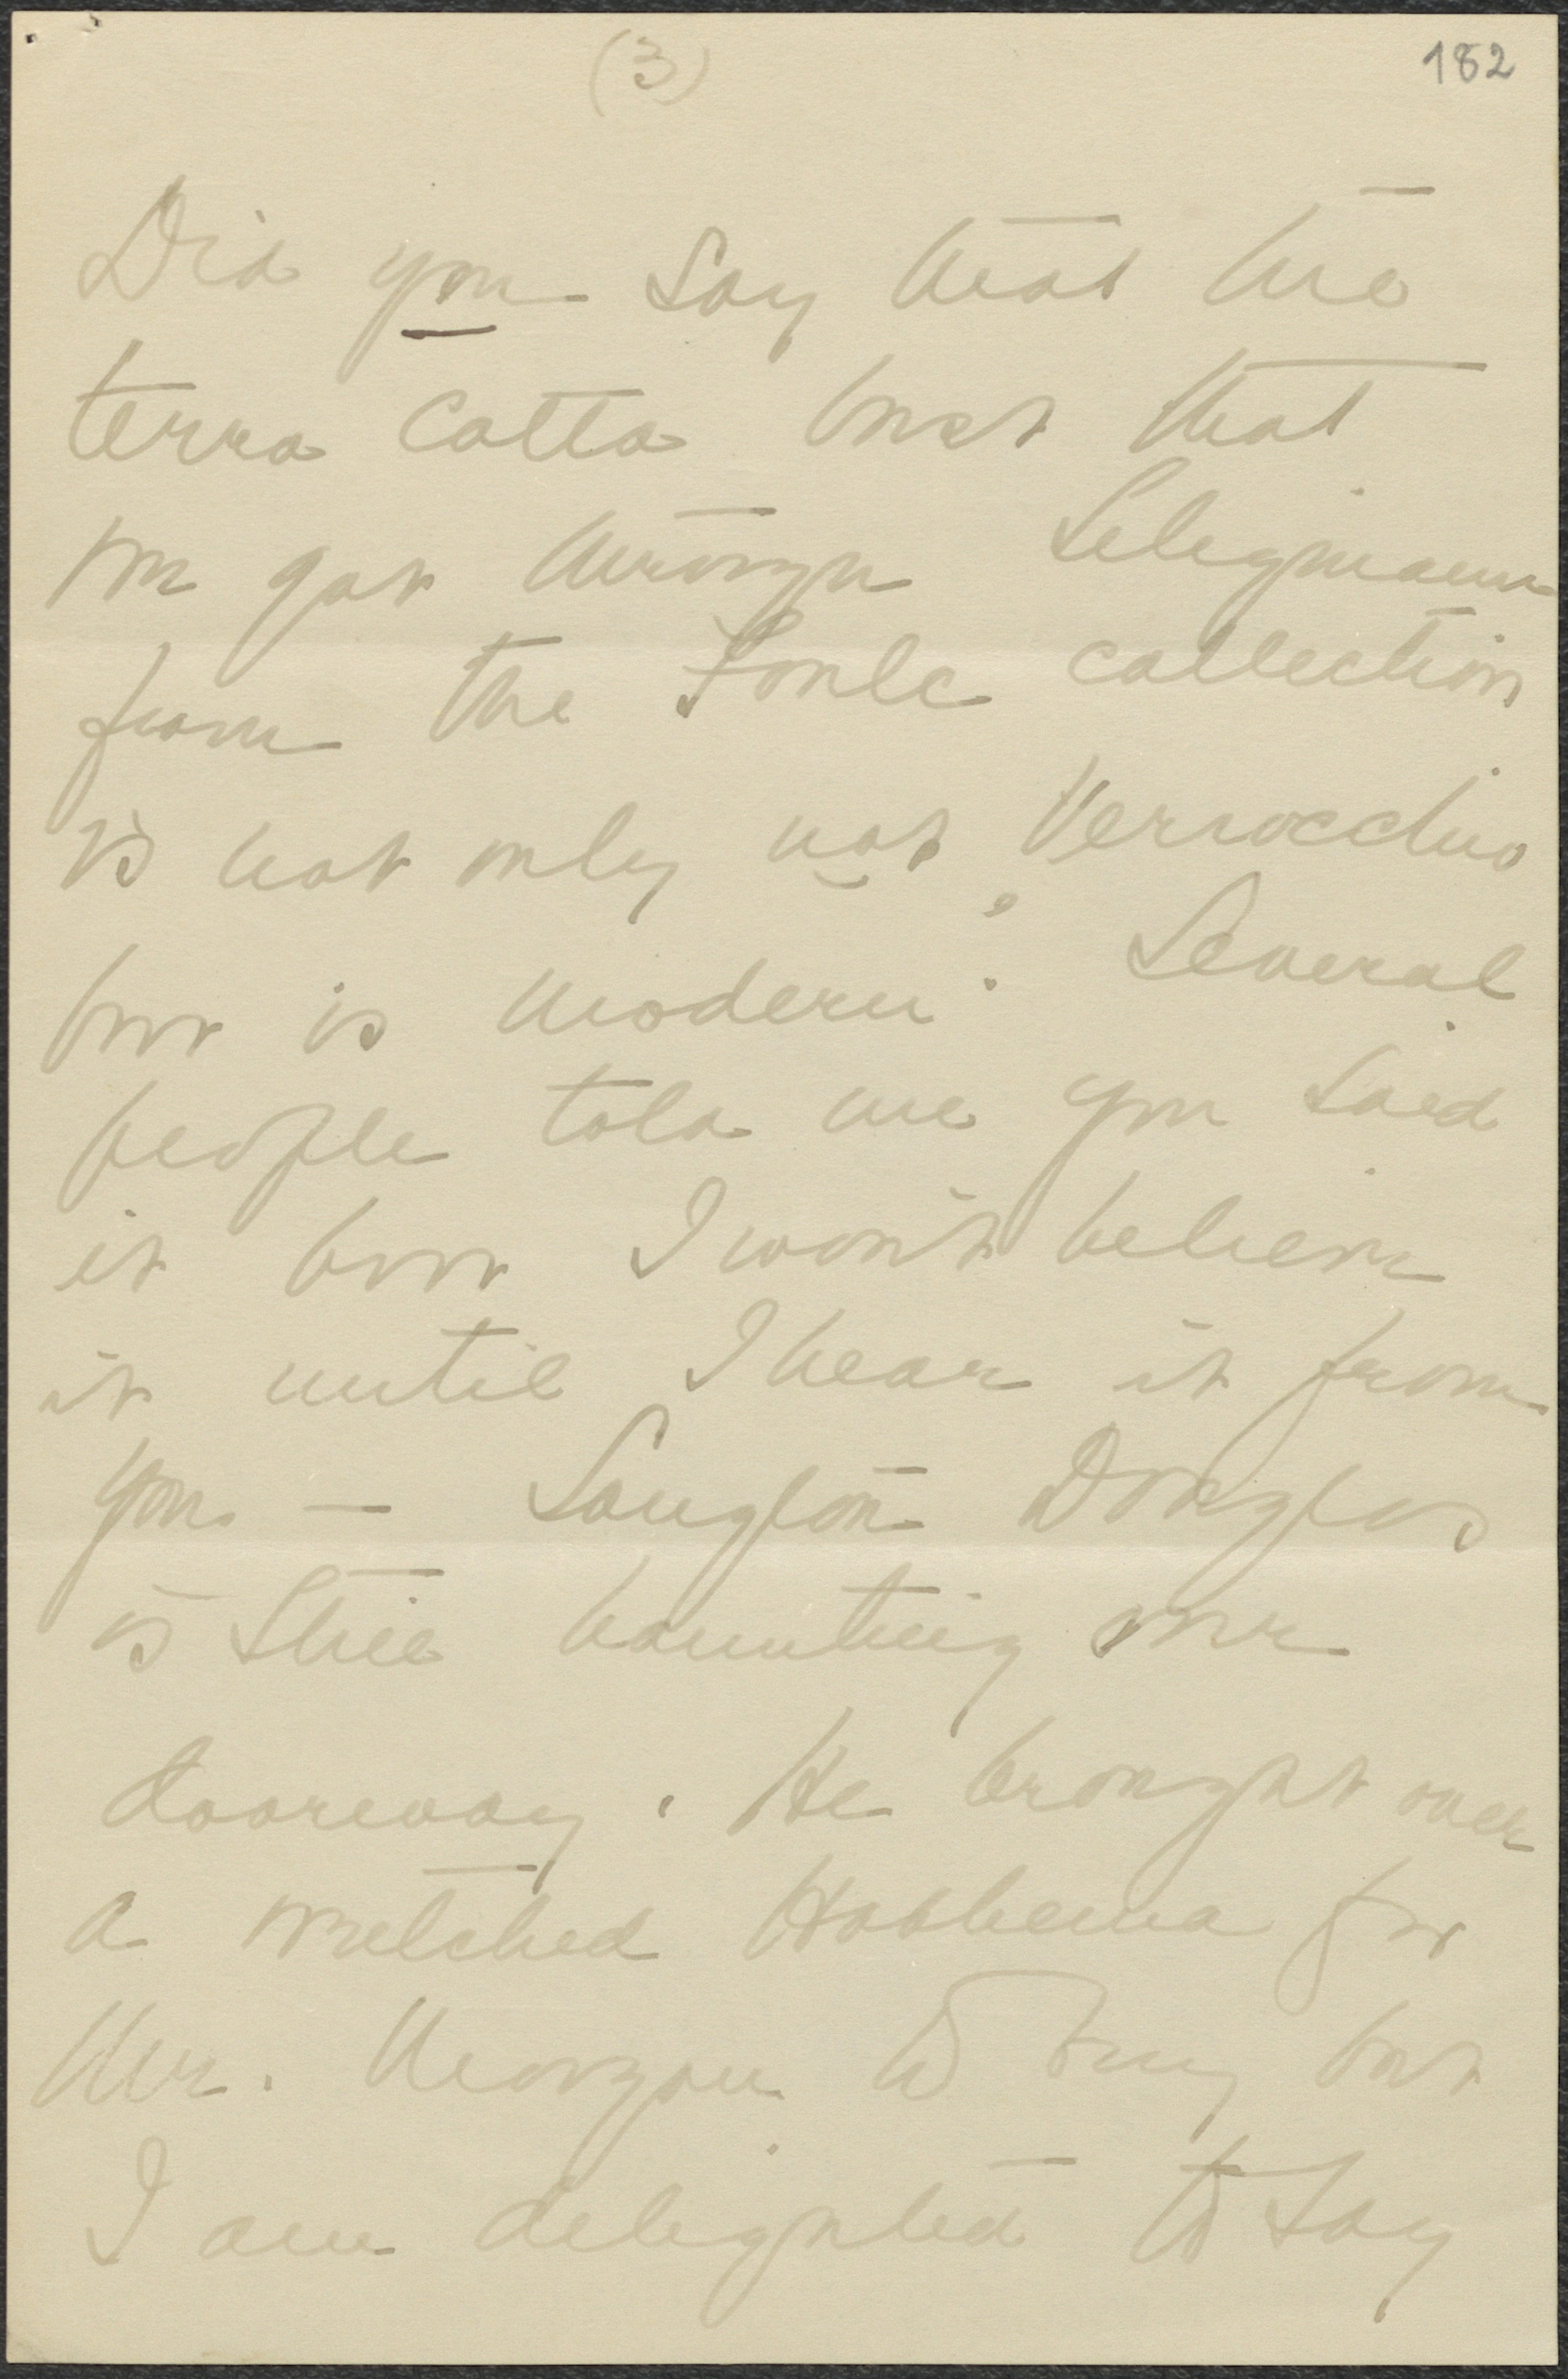(3)
Did you say that the terra cotta bust that we got through Seligmann from the Foulc collection is not only not Verrocchio but is modern? Several people told me you said it but I won’t believe it until I hear it from you – Langton Douglas is still haunting our doorway. He brought over a wretched Hobbema for Mr. Morgan to buy but I am delighted to say